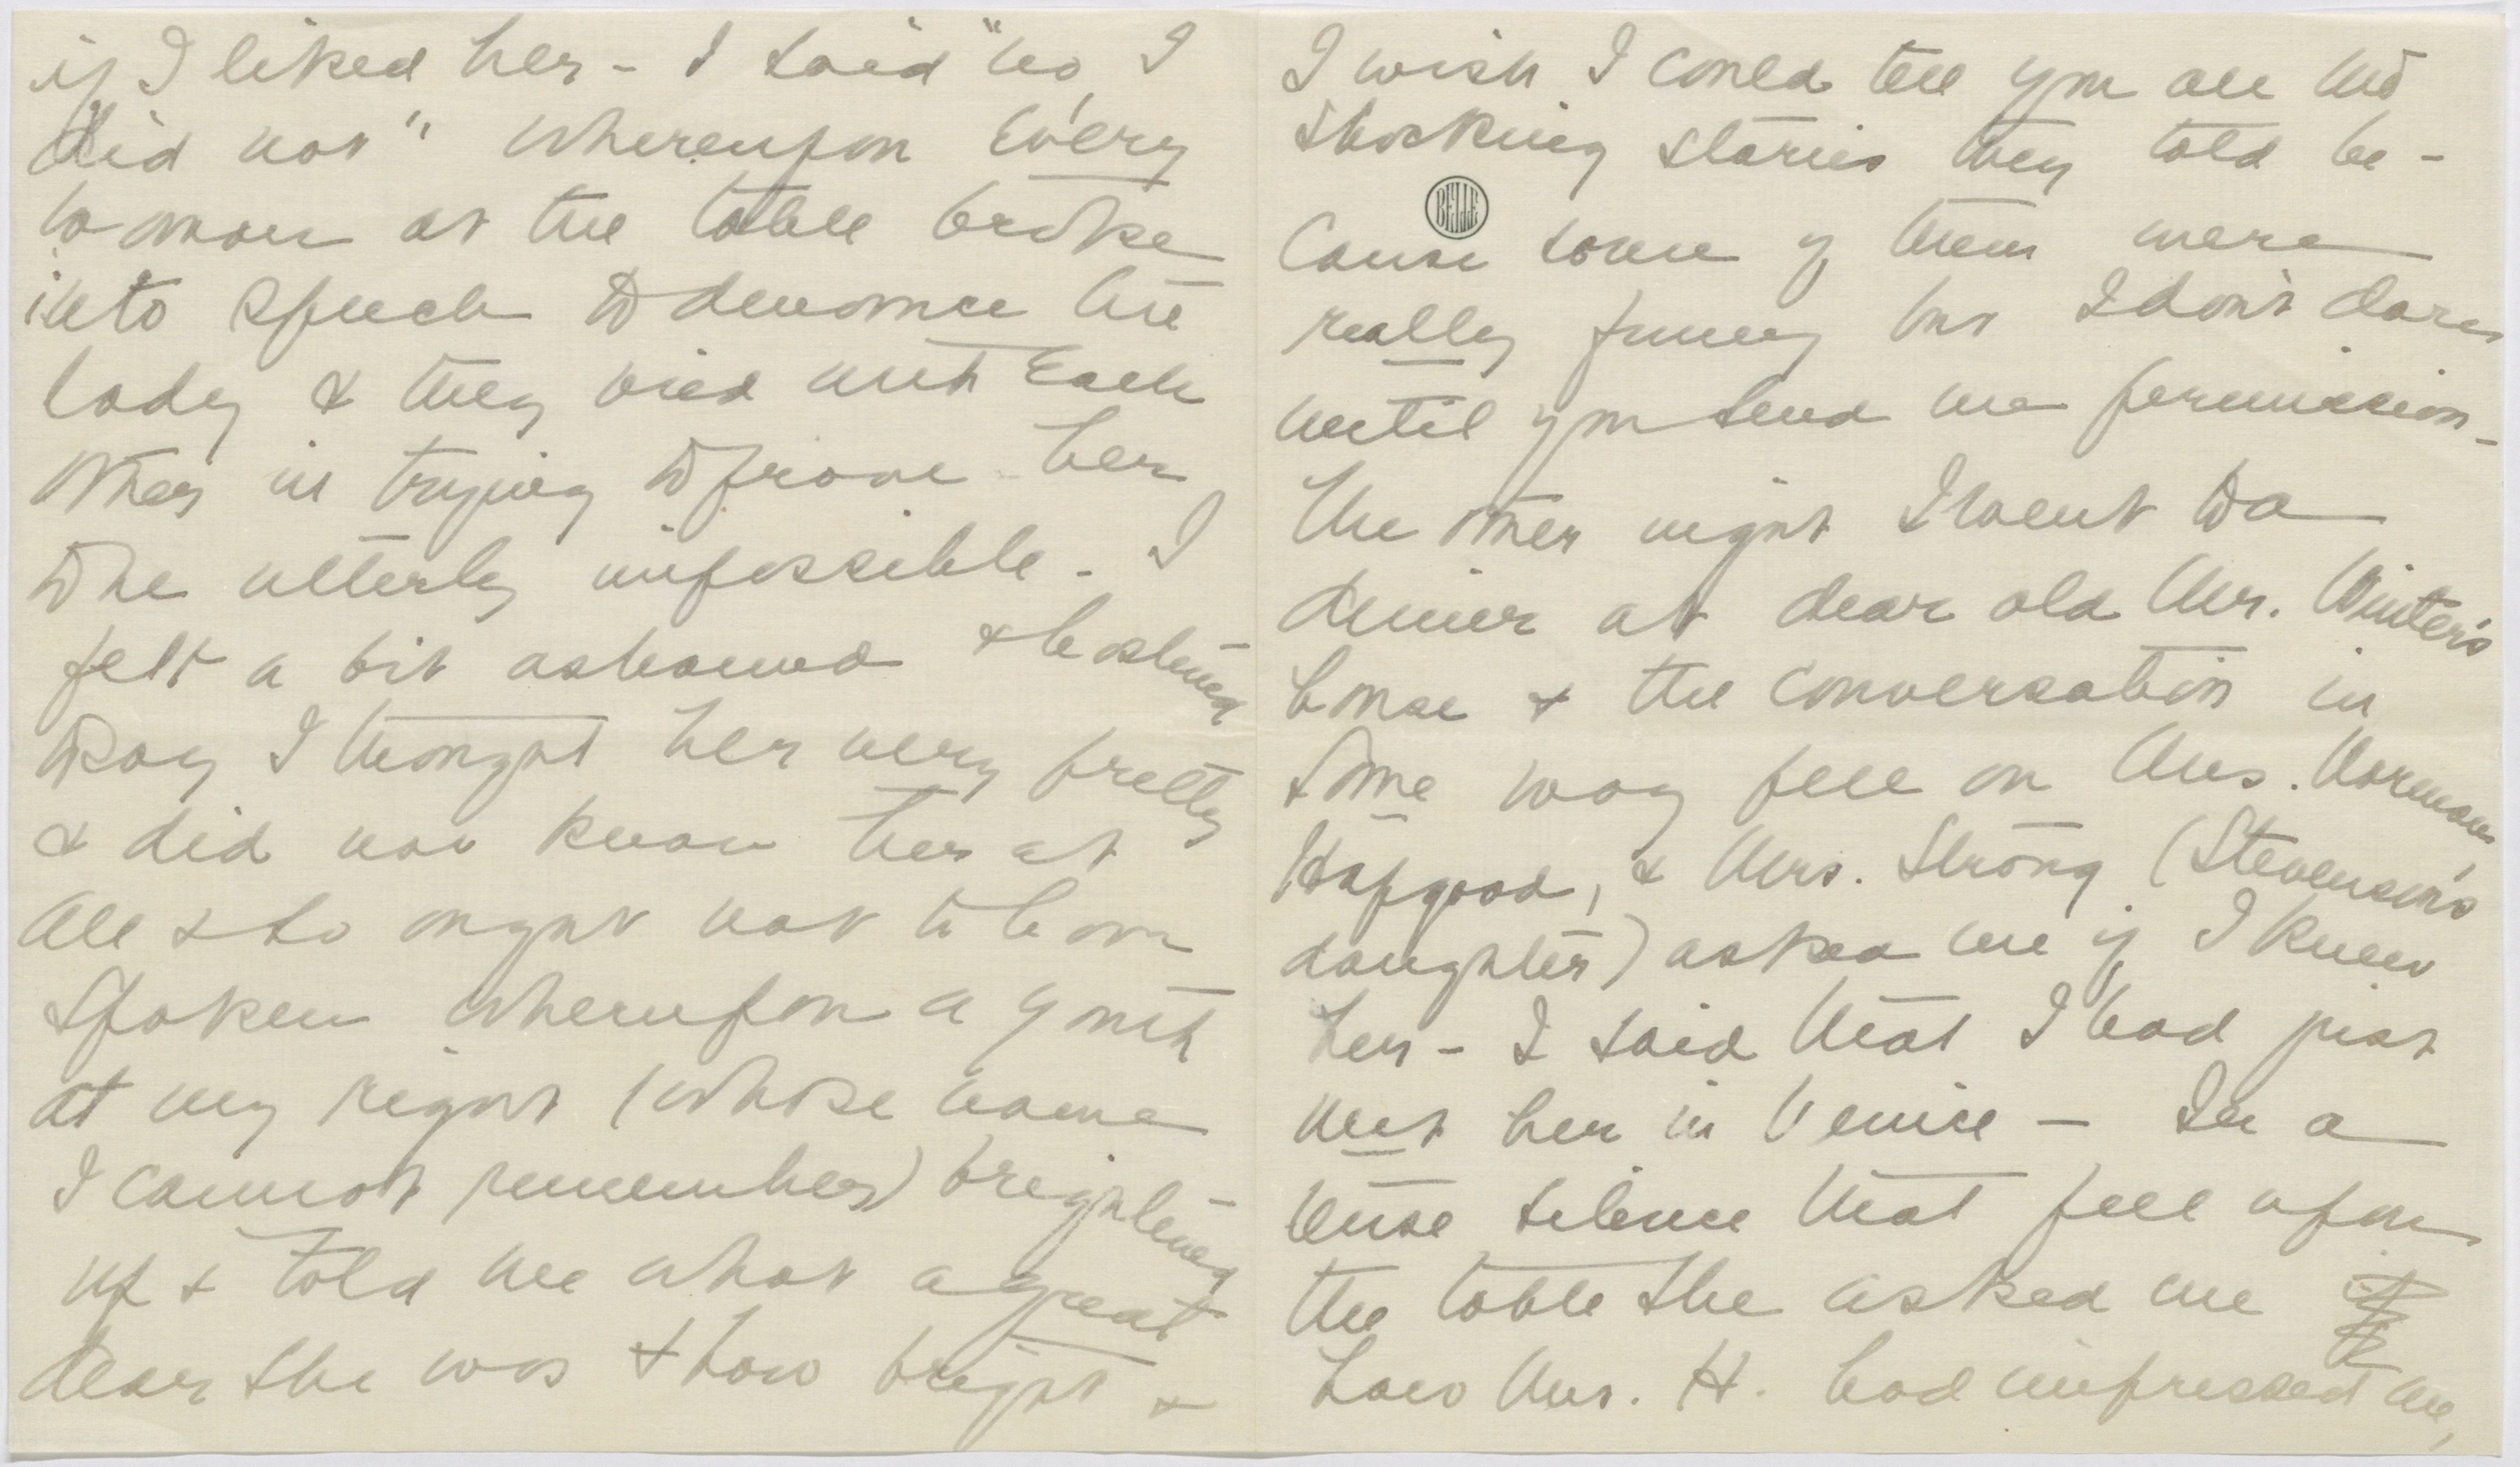I wish I could tell you all the shocking stories they told because some of them were really funny but I don’t dare until you send me permission – The other night I went to a dinner at dear old Mr. Winter’s house & the conversation in some way fell on Mrs. Norman Hapgood, & Mrs. Strong (Stevenson’s daughter) asked me if I knew her – I said that I had just met her in Venice – In a tense silence that fell upon the table she asked me if how Mrs. H. had impressed me,
if I liked her – I said “no, I did not” whereupon every woman at the table broke into speech to denounce the lady & they vied with each other in trying to prove her to be utterly impossible – I felt a bit ashamed & hastened to say I thought her very pretty & did not know her at all & so ought not to have spoken whereupon a youth at my right (whose name I cannot remember) brightened up & told me what a great dear she was & how bright &